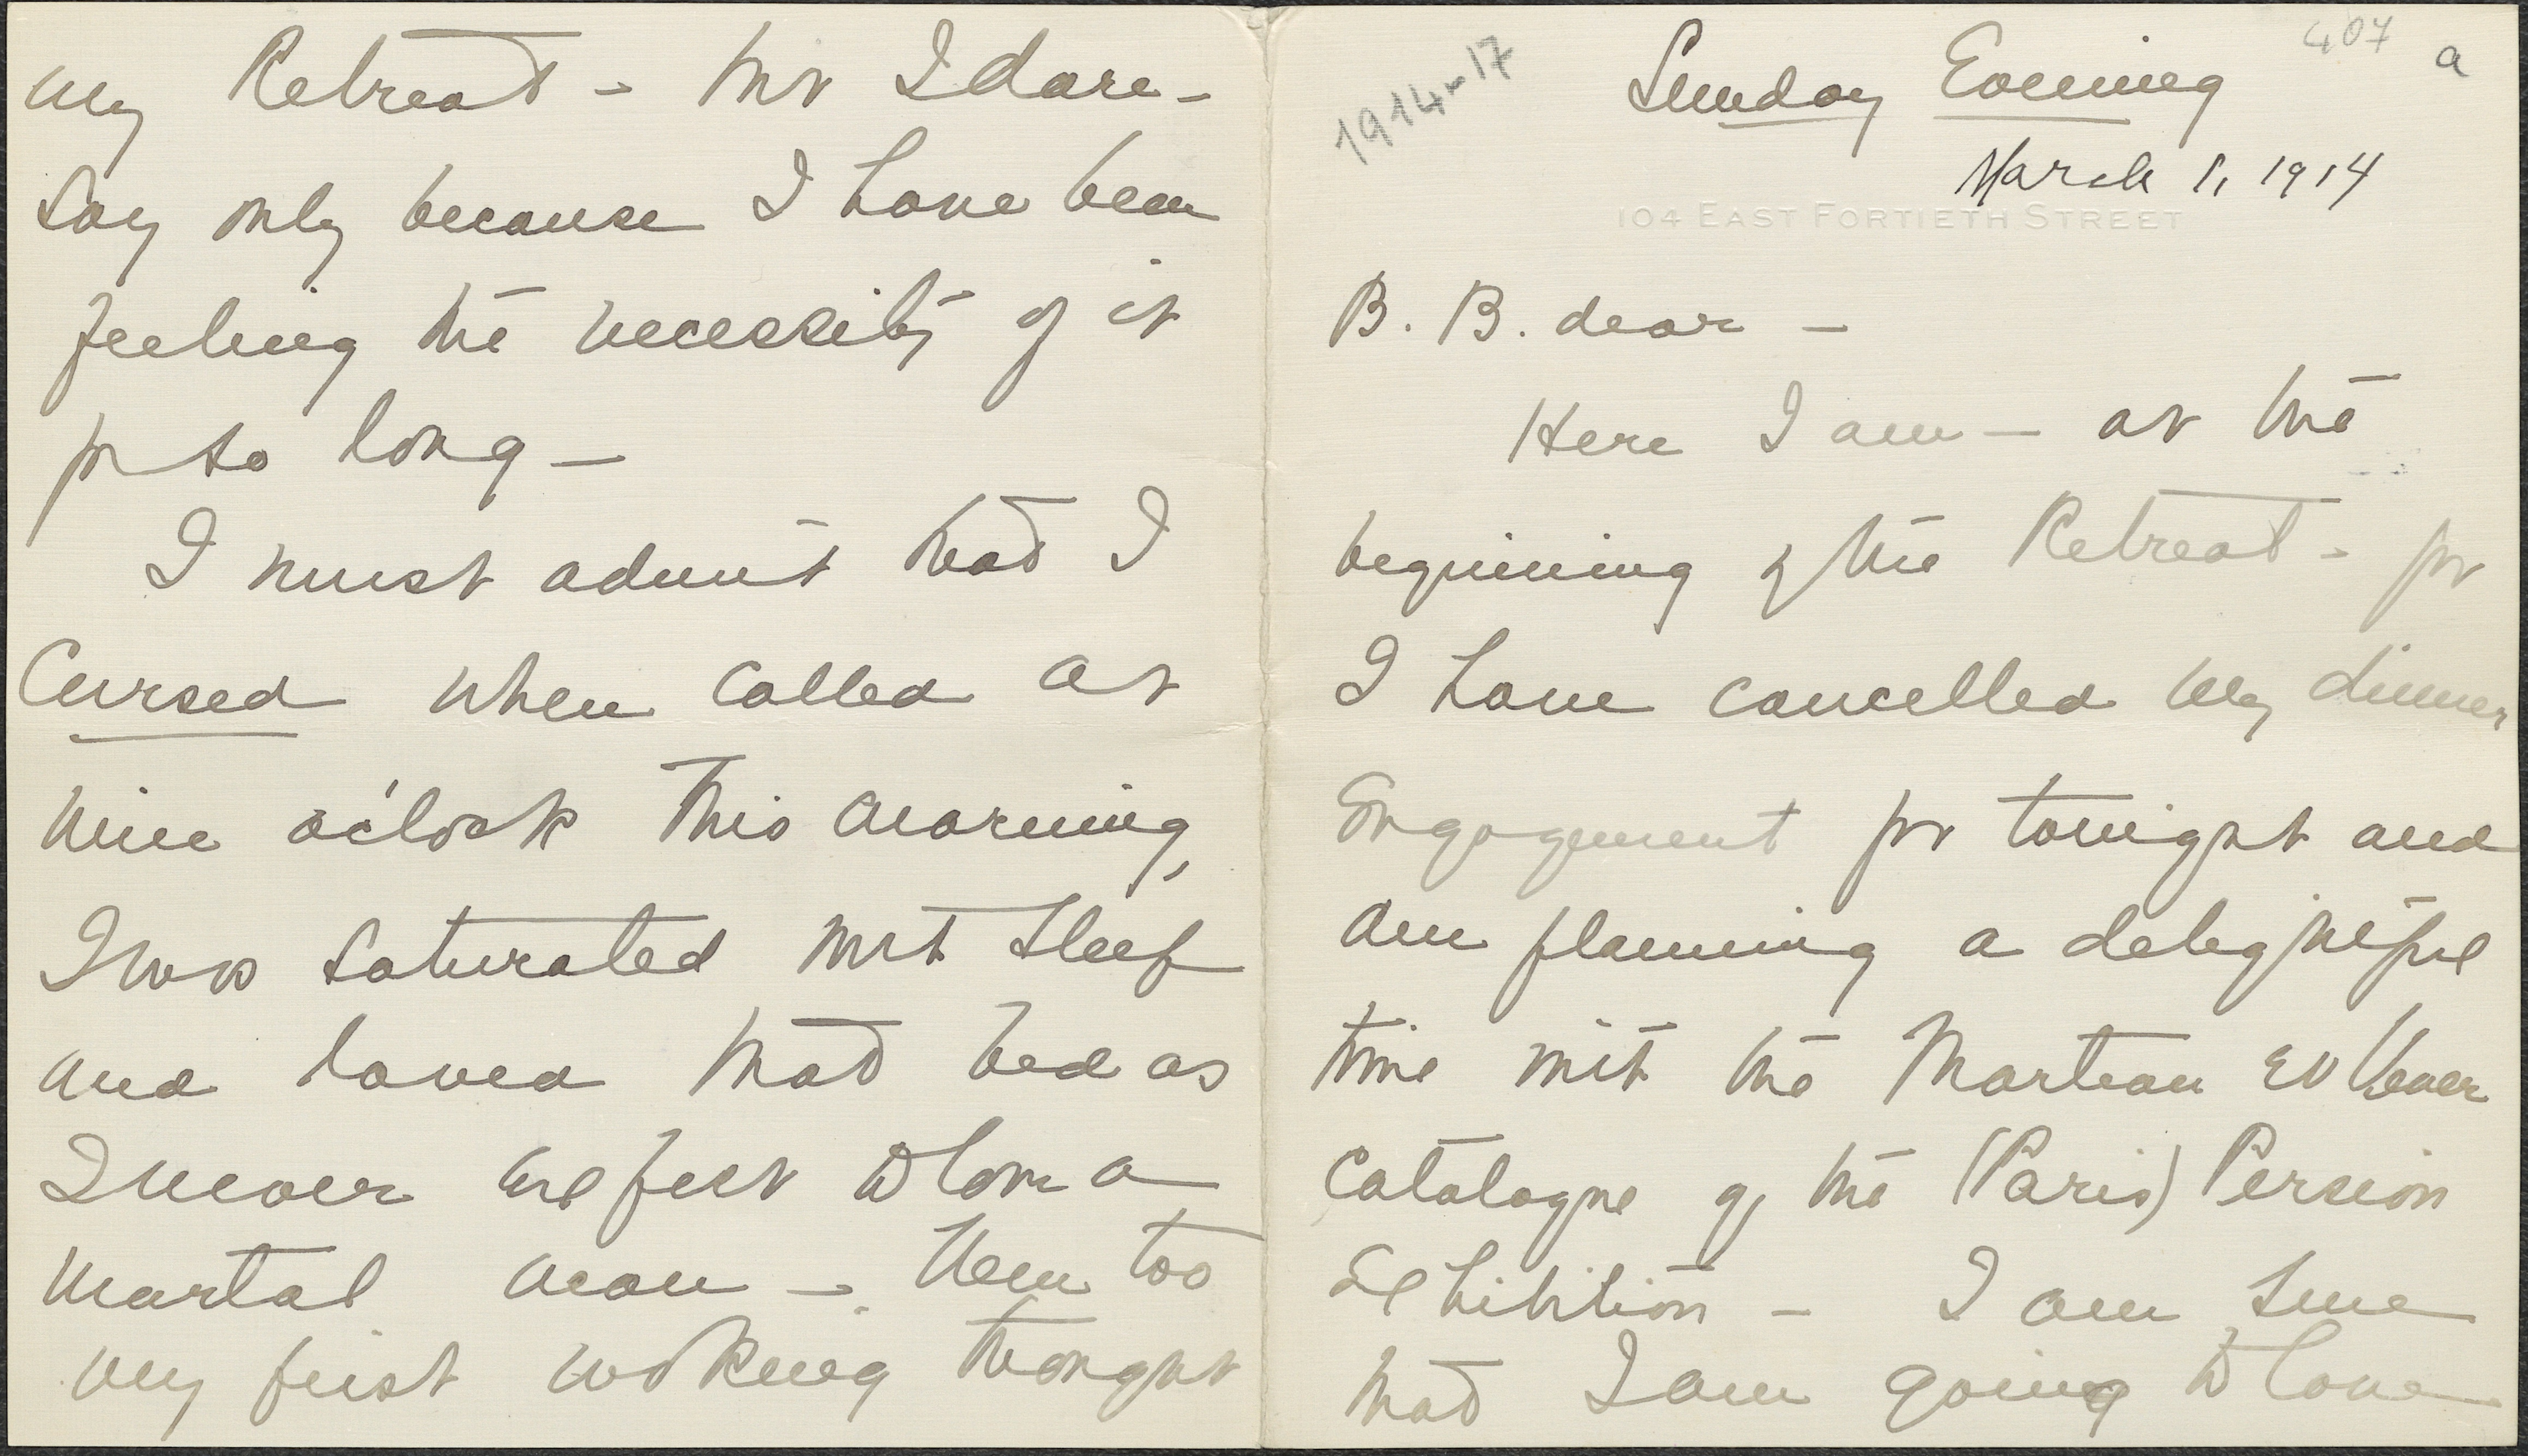Sunday Evening
B.B. dear –
Here I am – at the beginning of the Retreat – for I have cancelled my dinner engagement for tonight and am planning a delightful time with the Marteau & Vever catalogue of the (Paris) Persian exhibition – I am sure that I am going to love
my Retreat – but I dare say only because I have been feeling the necessity of it for so long –
I must admit that I cursed when called at nine o’clock this morning, I was saturated with sleep and loved that bed as I never expect to love a mortal man – then too my first waking thought